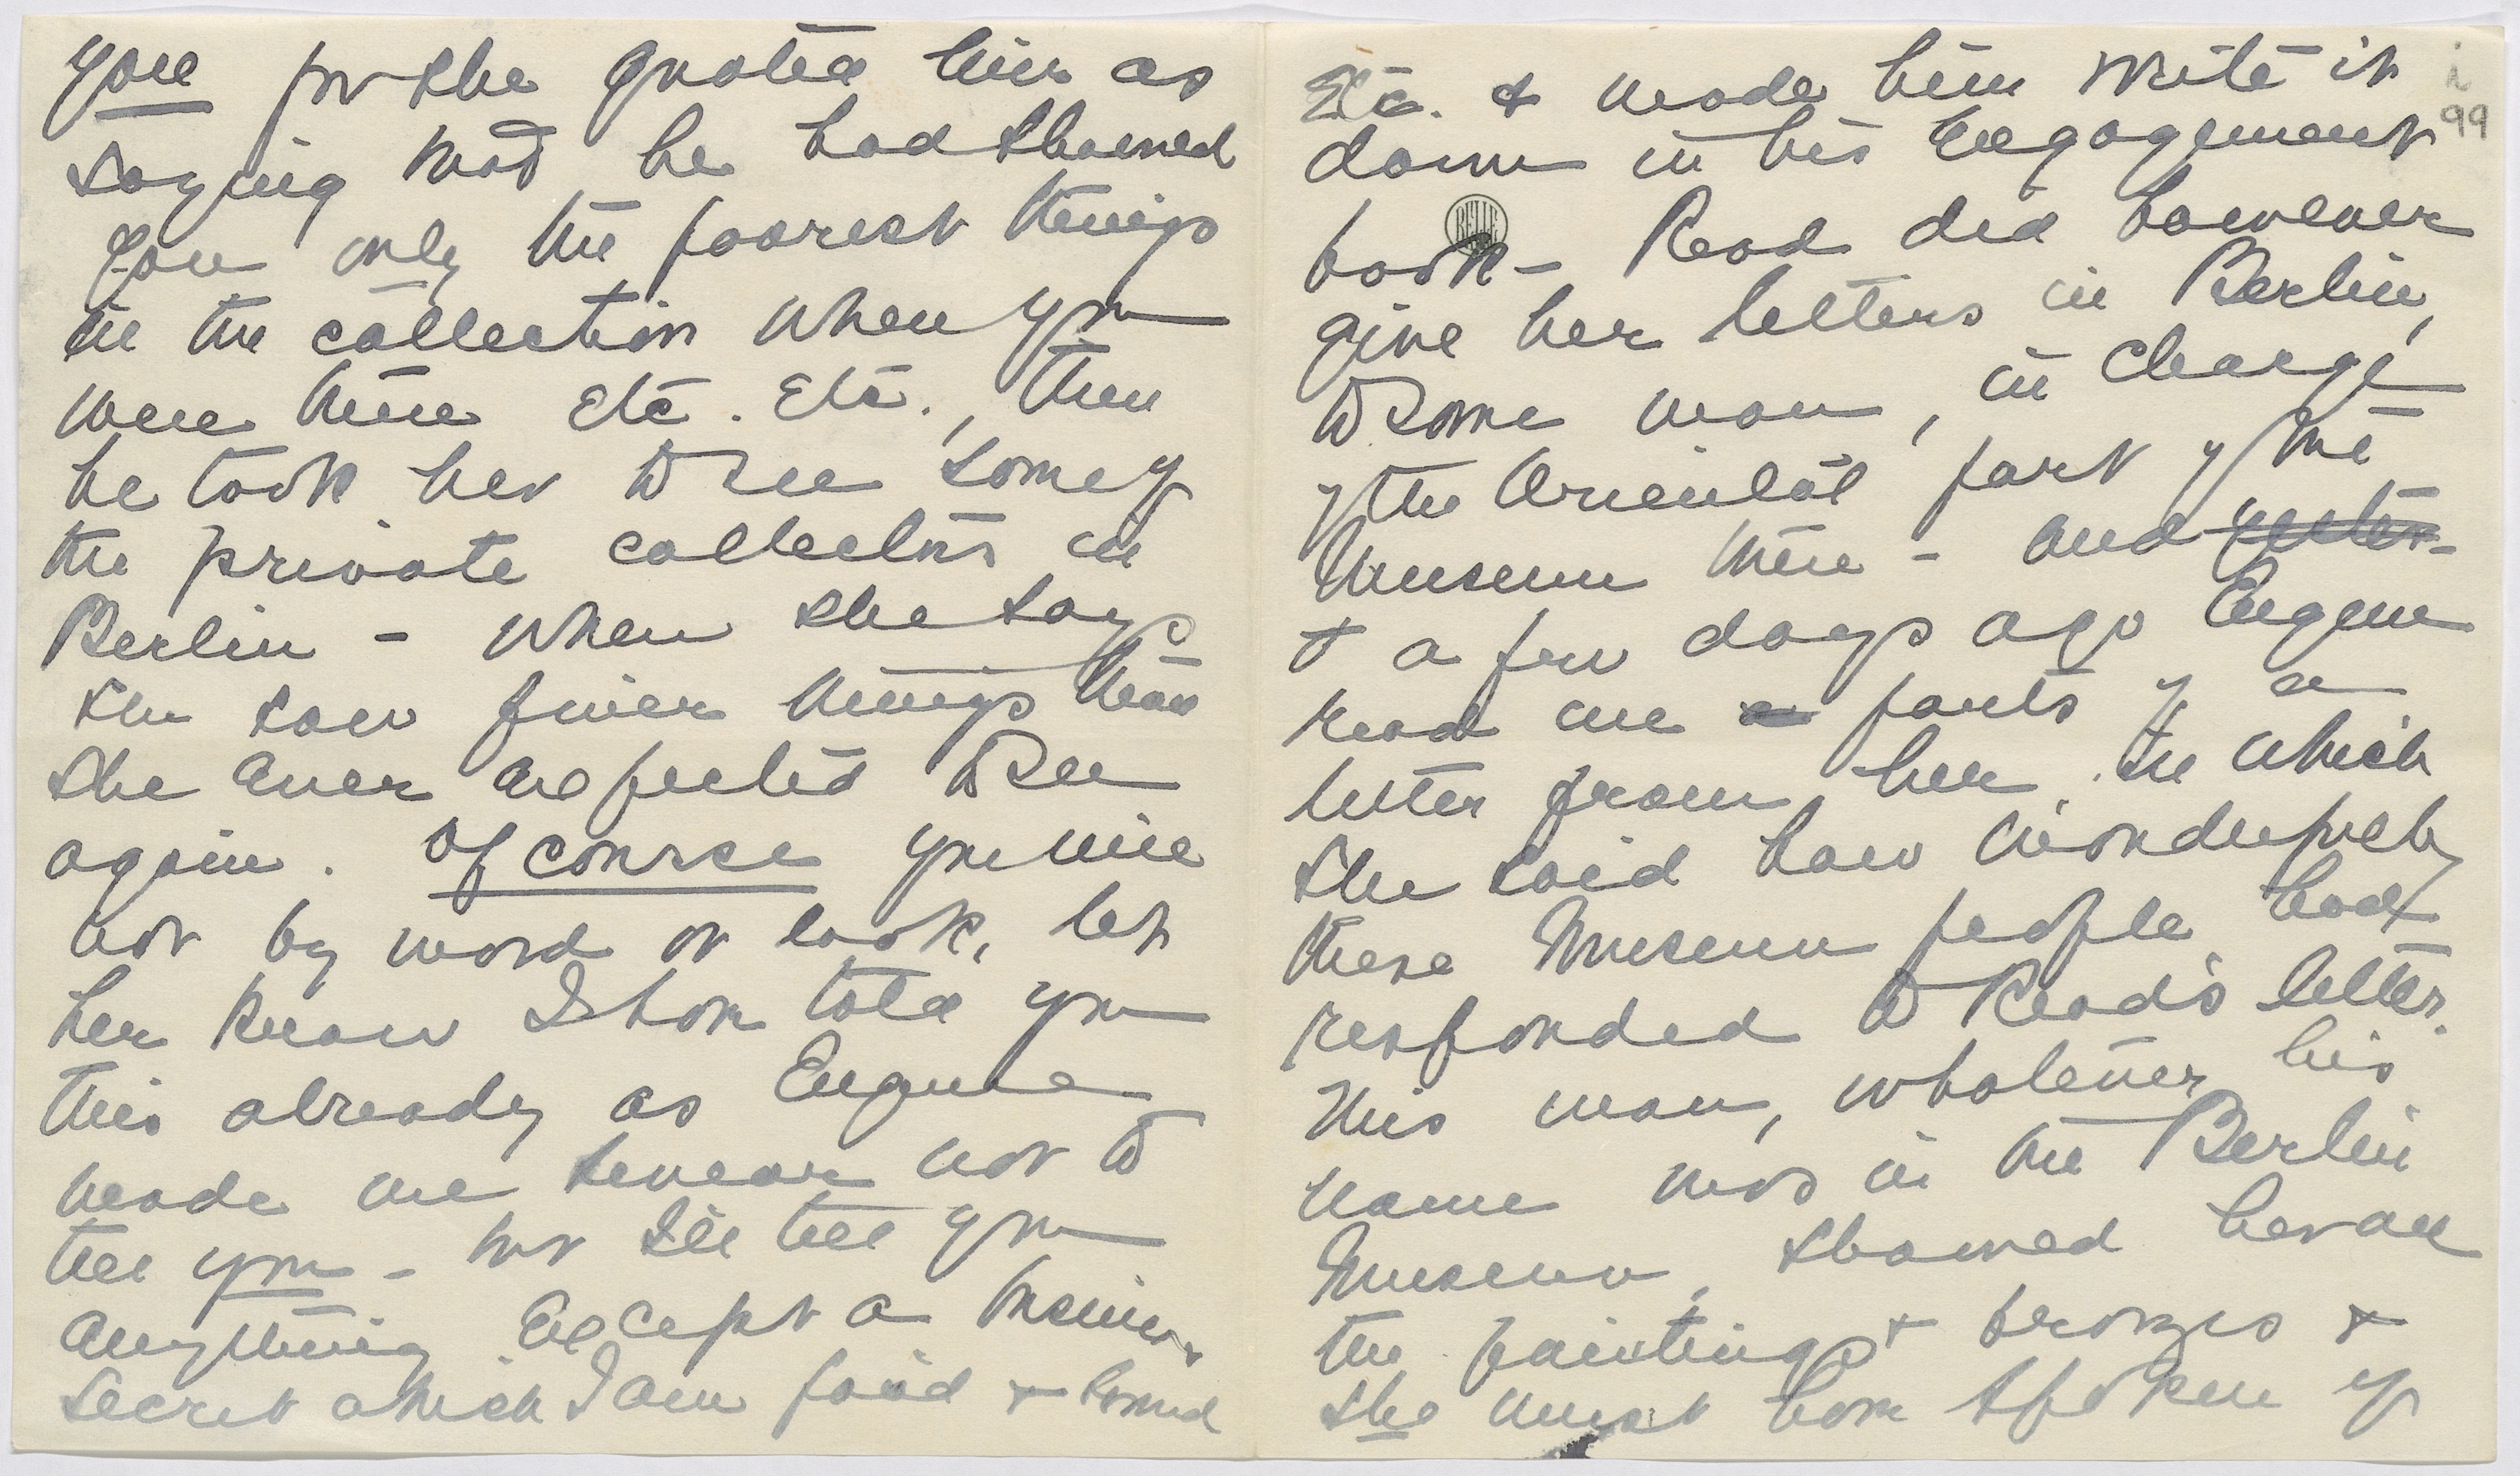etc. & made him write it down in his engagement book – Read did however give her letters in Berlin, to some man, in charge of the Oriental part of the Museum there – and yester & a few days ago Eugene read me a parts of a letter from her in which she said how wonderfully these Museum people had responded to Read’s letter. This man, whatever his name was in the Berlin Museum, showed her all the paintings & bronzes & she must have spoken of
you for she quoted him as saying that he had showed you only the poorest things in the collection when you were there etc. etc., then he took her to see some of the private collections in Berlin – when she says she saw finer things than she ever expected to see again. Of course you will not by word or look, let her know I have told you this already as Eugene made me swear not to tell you – but I’ll tell you anything except a business secret which I am paid & bound